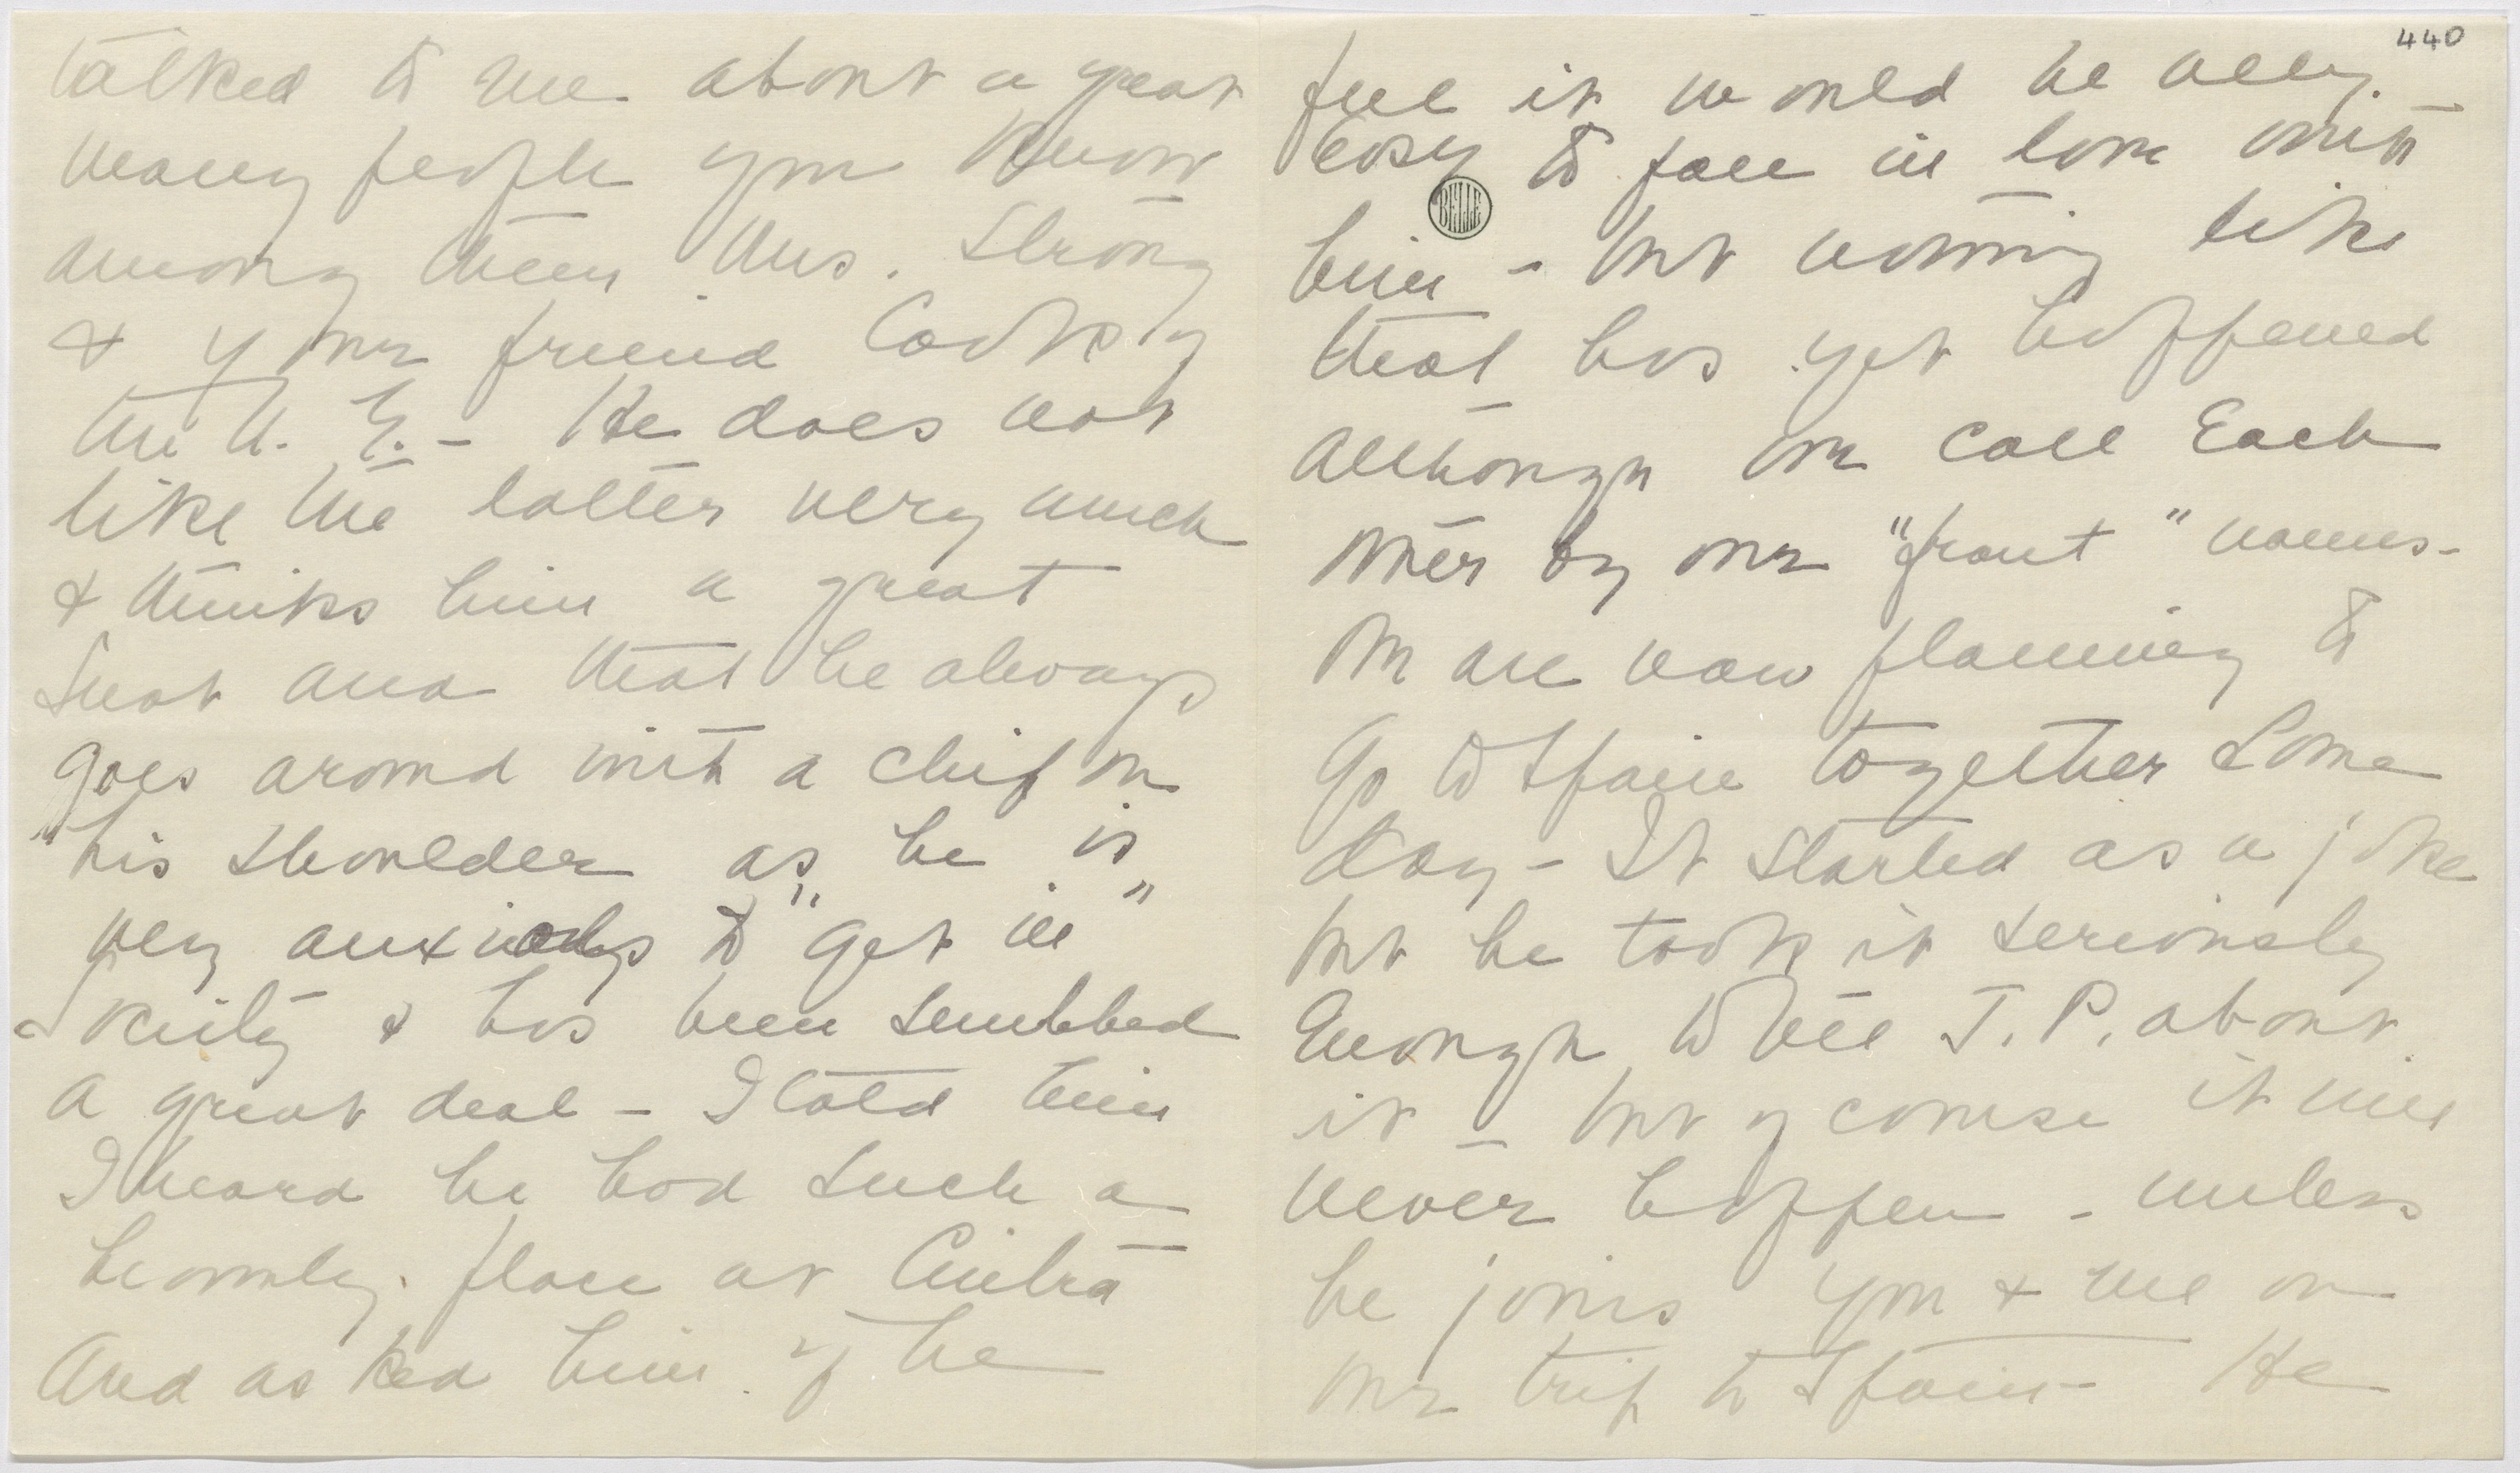feel it would be very easy to fall in love with him – but nothing like that has yet happened although we call each other by our “front” names – We are now planning to go to Spain together some day – it started as a joke but he took it seriously enough to tell J.P. about it – but of course it will never happen – unless he joins you & me on our trip to Spain – He
talked to me about a great many people you know among them Mrs. Strong & your friend Cook of the U.K. [?] – He does not like the latter very much & thinks him a great snot and that he always goes around with a chip on his shoulder as he is very anxious to “get in” society& has been snubbed a great deal – I told him I heard he had such a homely place at Cintra and asked him if he